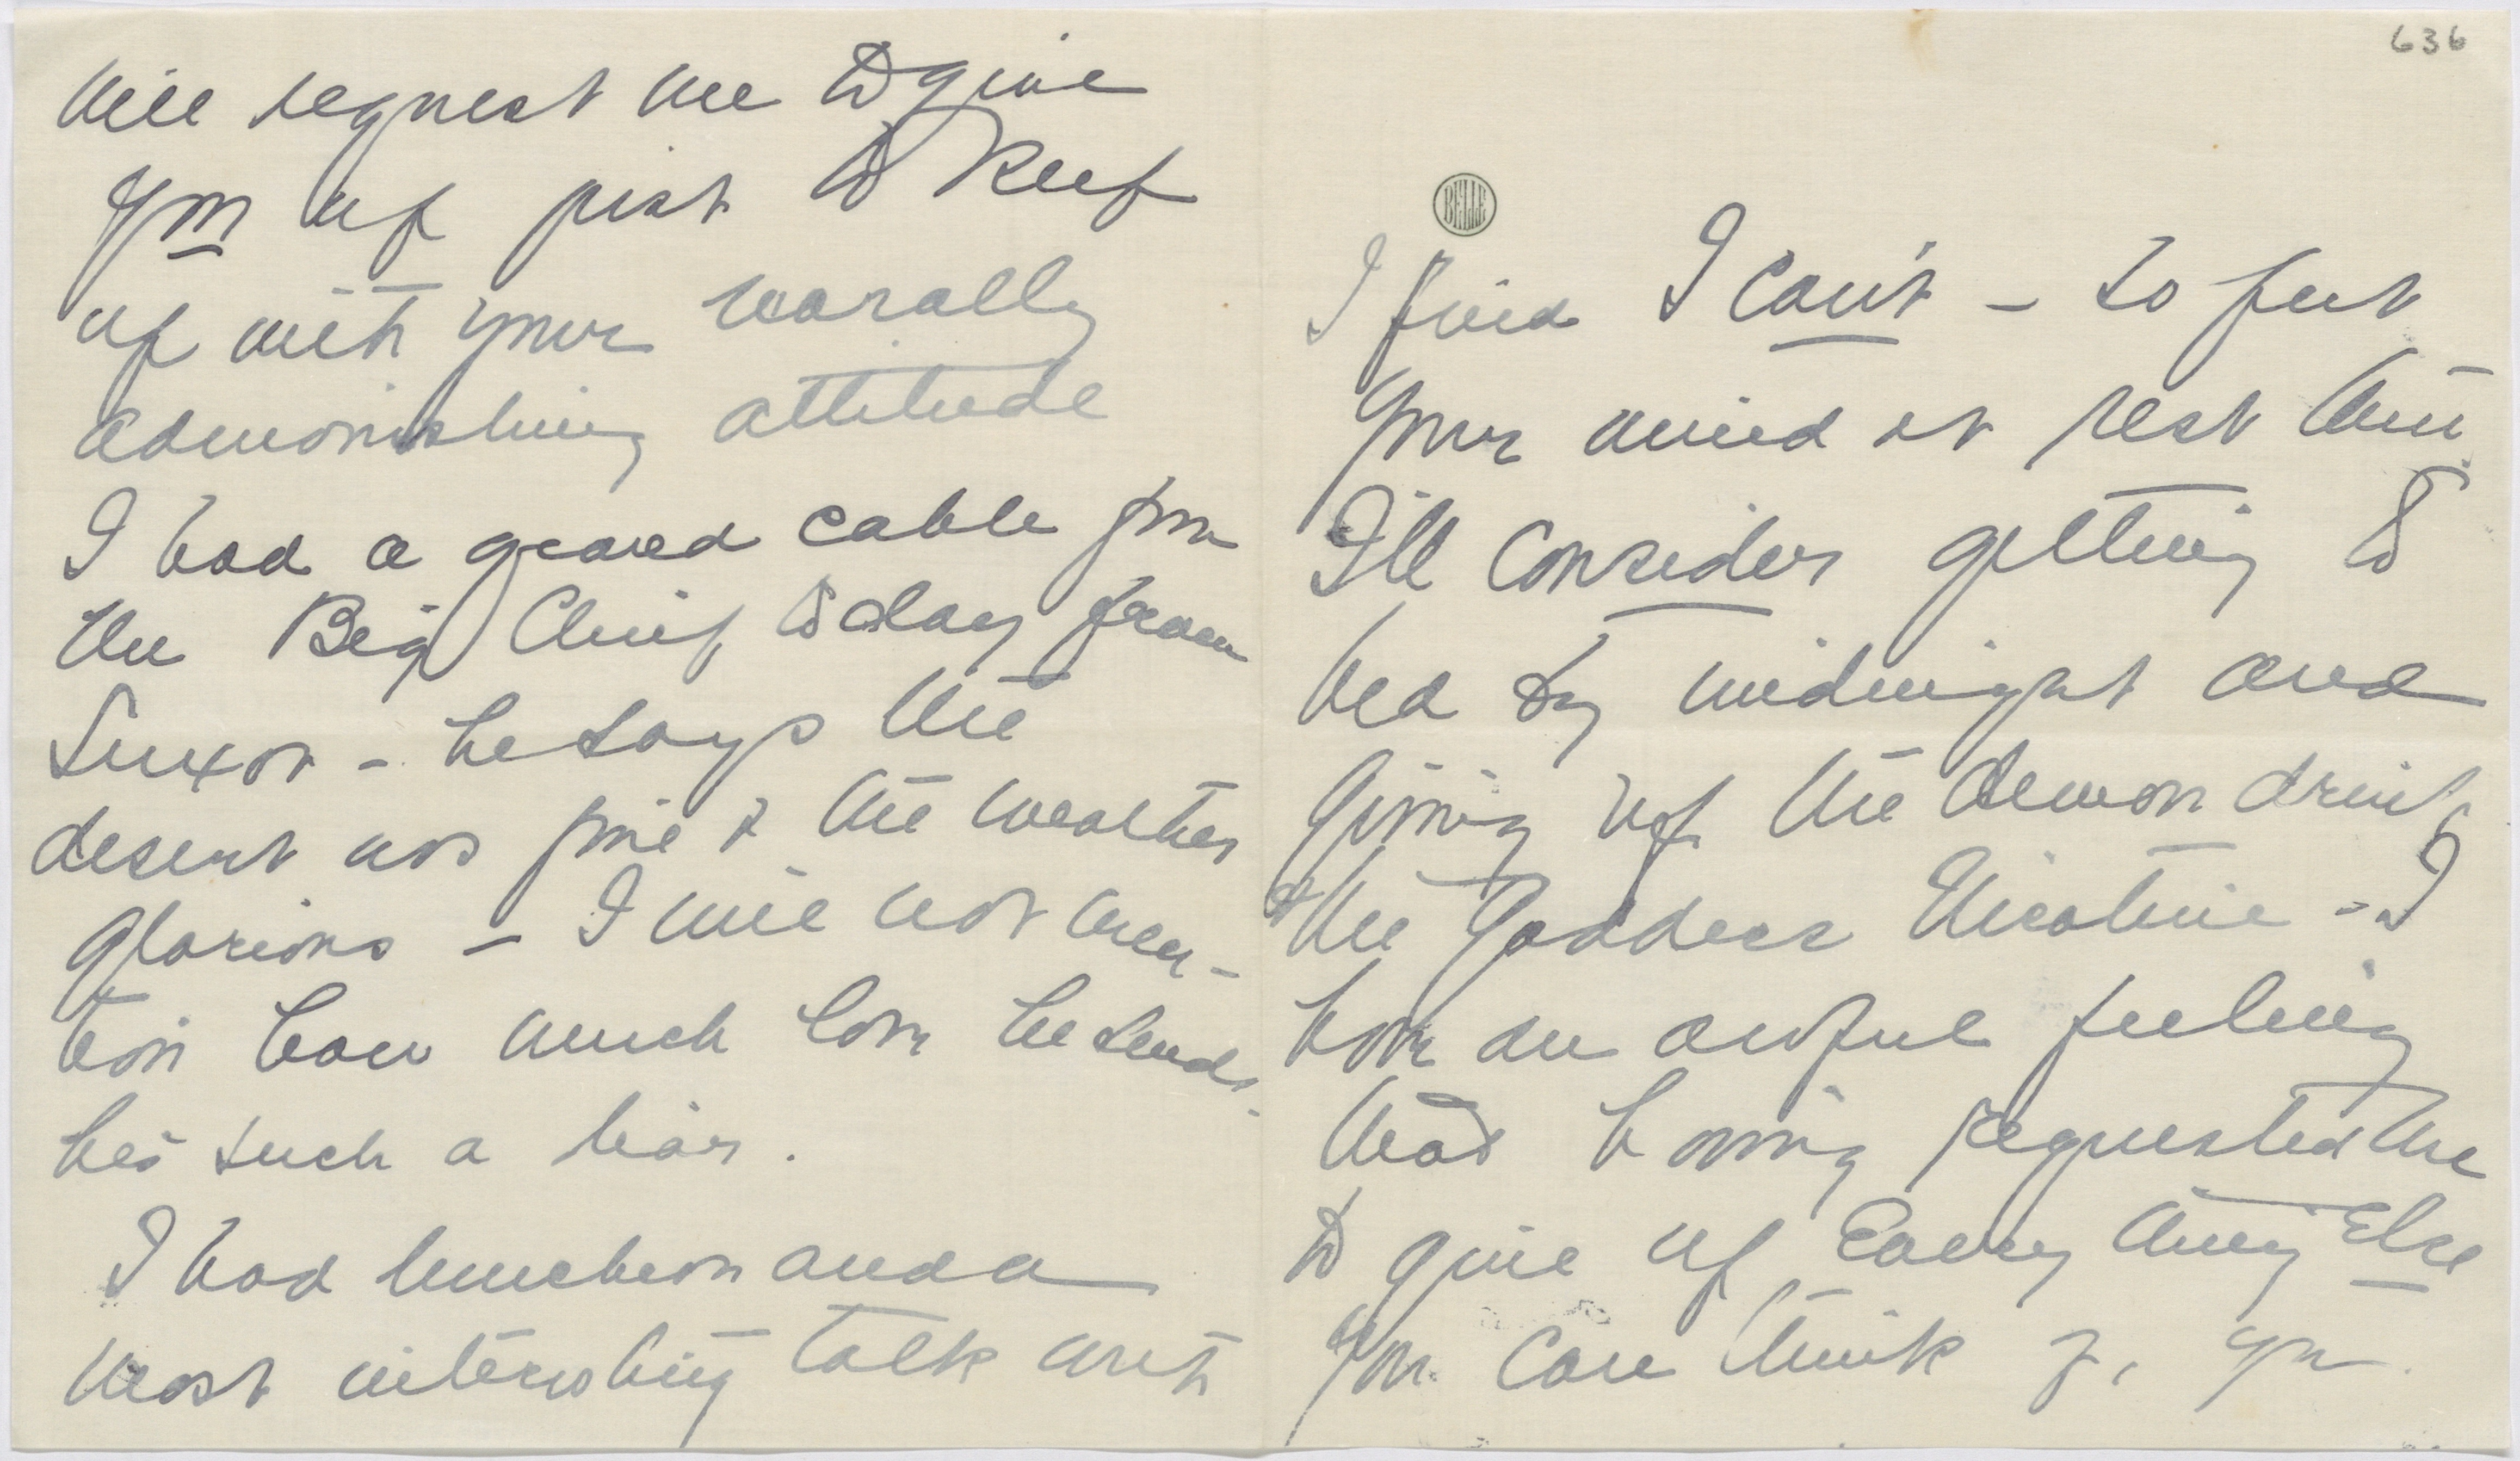I find I can’t – so put your mind at rest then. I’ll consider getting to bed by midnight and giving up the demon drink & the Goddess Nicotine – I have an awful feeling that having requested me to give up every thing else you can think of, you
will request me to give you up just to keep up with your morally admonishing attitude
I had a grand cable from The Big Chief today from Luxor – he says the desert was fine & the weather glorious – I will not mention how much love he sends – he’s such a liar.
I had luncheon and a most interesting talk with